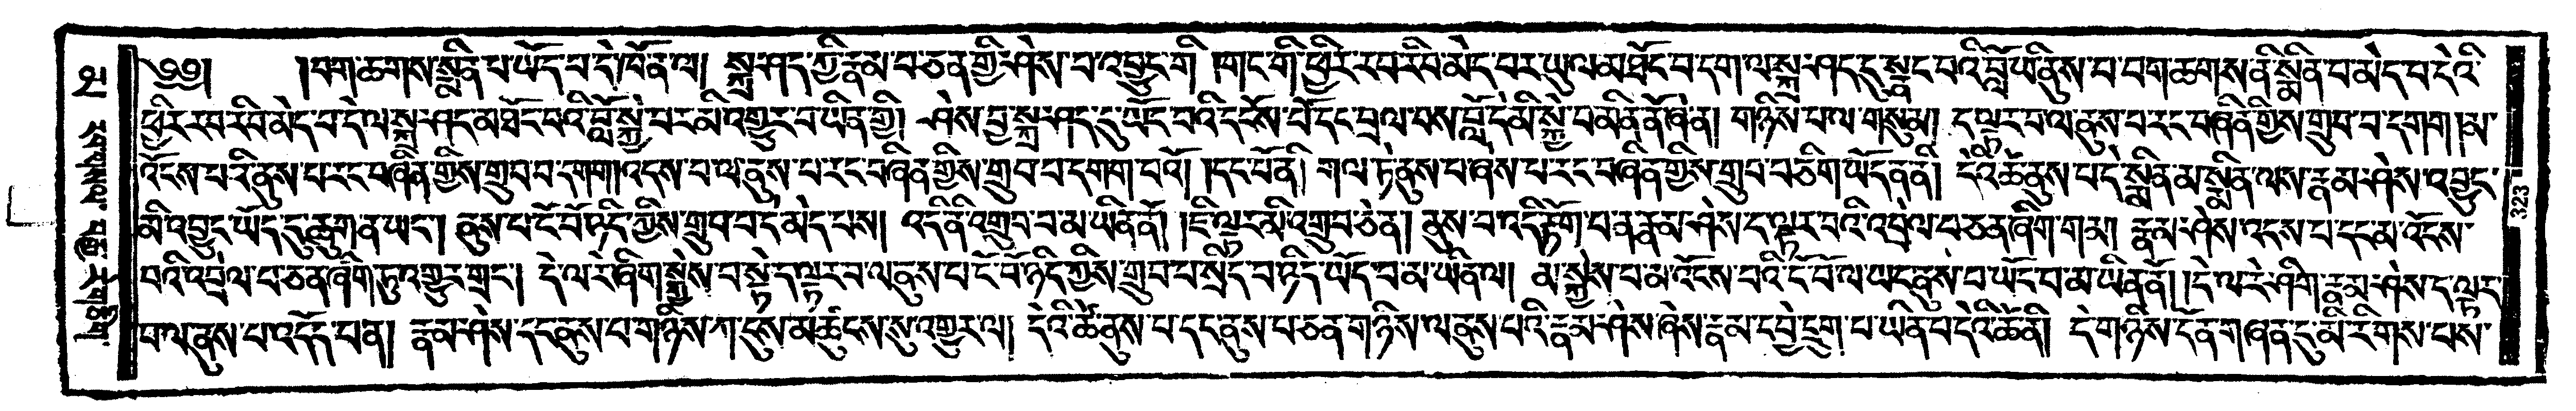༄༅། །བག་ཆགས་སྨིན་པ་ཡོད་པ་དེ་ཁོ་ན་ལ། སྐྲ་ཤད་ཀྱི་རྣམ་པ་ཅན་གྱི་ཤེས་པ་འབྱུང་གི །གང་གི་ཕྱིར་རབ་རིབ་མེད་པར་ཡུལ་མཐོང་བ་དག་ལ་སྐྲ་ཤད་དུ་སྣང་བའི་བློ་ཡི་ནུས་པ་བག་ཆགས་ནི་སྨིན་པ་མེད་པ་དེའི་
ཕྱིར་རབ་རིབ་མེད་པ་དེ་ལ་སྐྲ་ཤད་མཐོང་བའི་བློ་སྐྱེ་བར་མི་འགྱུར་བ་ཡིན་གྱི། ཤེས་བྱ་སྐྲ་ཤད་དུ་ཡོད་པའི་དངོས་པོ་དང་བྲལ་བས་བློ་དེ་མི་སྐྱེ་བ་མིན་ནོ་ཞེ་ན། གཉིས་པ་ལ་གསུམ། ད་ལྟར་བ་ལ་ནུས་པ་རང་བཞིན་གྱིས་གྲུབ་པ་དགག །མ་
འོངས་པའི་ནུས་པ་རང་བཞིན་གྱིས་གྲུབ་པ་དགག། འདས་པ་ལ་ནུས་པ་རང་བཞིན་གྱིས་གྲུབ་པ་དགག་པའོ། །དང་པོ་ནི། གལ་ཏེ་ནུས་པ་ཞེས་པ་རང་བཞིན་གྱིས་གྲུབ་པ་ཅིག་ཡོད་ན་ནི། དེའི་ཚེ་ནུས་པ་དེ་སྨིན་མ་སྨིན་ལས་རྣམ་ཤེས་འབྱུང་
མི་འབྱུང་ཡོད་དུ་ཆུག་ན་ཡང་། ནུས་པ་ངོ་བོ་ཉིད་ཀྱིས་གྲུབ་པ་དེ་མེད་པས། འདི་ནི་འགྲུབ་པ་མ་ཡིན་ནོ། །ཇི་ལྟར་མི་འགྲུབ་ཅེ་ན། ནུས་པ་འདི་རྟོག་པ་ན་རྣམ་ཤེས་ད་ལྟར་བའི་འབྲེལ་པ་ཅན་ཞིག་གམ། རྣམ་ཤེས་འདས་པ་དང་མ་འོངས་
པའི་འབྲེལ་བ་ཅན་ཞིག་ཏུ་འགྱུར་གྲང་། དེ་ལ་རེ་ཞིག་སྐྱེས་པ་སྟེ་ད་ལྟར་བ་ལ་ནུས་པ་ངོ་བོ་ཉིད་ཀྱིས་གྲུབ་པ་སྲིད་པ་ཉིད་ཡོད་པ་མ་ཡིན་ལ། མ་སྐྱེས་པ་མ་འོངས་པའི་ངོ་བོ་ལ་ཡང་ནུས་པ་ཡོད་པ་མ་ཡིན་ནོ། །དེ་ལ་རེ་ཤིག་རྣམ་ཤེས་ད་ལྟར་
བ་ལ་ནུས་པ་འདོད་པ་ན། རྣམ་ཤེས་དང་ནུས་པ་གཉིས་ཀ་དུས་མཚུངས་སུ་འགྱུར་ལ། དེའི་ཚེ་ནུས་པ་དང་ནུས་པ་ཅན་གཉིས་ལ་ནུས་པའི་རྣམ་ཤེས་ཞེས་རྣམ་དབྱེ་དྲུག་པ་ཡིན་པ་དེའི་ཚེ། དེ་གཉིས་དོན་གཞན་དུ་མི་རིགས་པས་